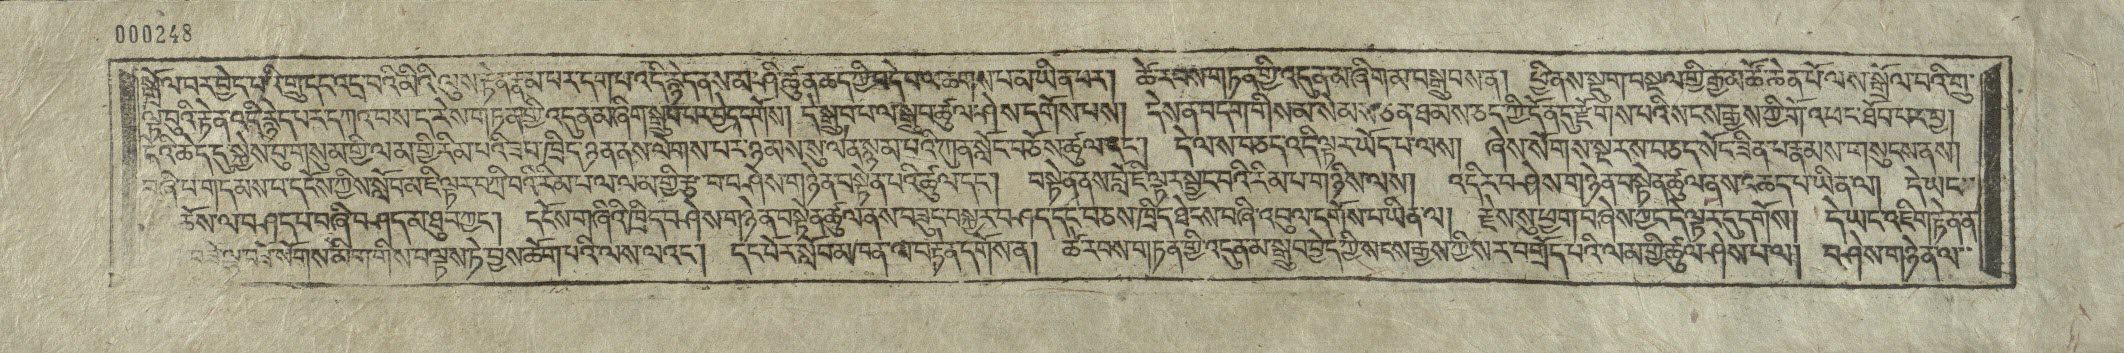སྒྲོལ་བར་བྱེད་པའི་གྲུ་དང་འདྲ་བའི་མིའི་ལུས་རྟེན་རྣམ་པར་དག་པ་འདི་རྙེད་ནས་མ་ཤི་ཚུན་ཆད་ཀྱི་བདེ་བ་ལ་ཆགས་པ་མ་ཡིན་པར། ཚེ་རབས་གཏན་གྱི་འདུན་མ་ཞིག་མ་བསྒྲུབས་ན། ཕྱི་ནས་སྡུག་བསྔལ་གྱི་རྒྱ་མཚོ་ཆེན་པོ་ལས་སྒྲོལ་བའི་གྲུ་
ལྟ་བུའི་རྟེན་འདི་རྙེད་པར་དཀའ་བས་ད་རེས་གཏན་གྱི་འདུན་མ་ཞིག་སྒྲུབ་པར་བྱེད་དགོས། དེ་སྒྲུབ་པ་ལ་སྒྲུབ་ཚུལ་ཤེས་དགོས་པས། དེས་ན་བདག་གིས་མ་སེམས་ཅན་ཐམས་ཅད་ཀྱི་དོན་དུ་རྫོགས་པའི་སངས་རྒྱས་ཀྱི་གོ་འཕང་ཐོབ་པར་བྱ།
དེའི་ཆེད་དུ་སྐྱེས་བུ་གསུམ་གྱི་ལམ་གྱི་རིམ་པའི་ཟབ་ཁྲིད་ཉན་ནས་ལེགས་པར་ཉམས་སུ་ལེན་སྙམ་པའི་ཀུན་སློང་བཅོས་ཚུལ་དང་། དེ་ལ་ས་བཅད་འདི་ལྟར་ཡོད་པ་ལས། ཞེས་སོགས་སྔར་ས་བཅད་སོང་ཟིན་པ་རྣམས་གསུངས་ནས།
བཞི་པ་གདམས་པ་དངོས་ཀྱིས་སློབ་མ་ཇི་ལྟར་བཀྲི་བའི་རིམ་པ་ལ་ལམ་གྱི་རྩ་བ་བཤེས་གཉེན་བསྟེན་པའི་ཚུལ་དང་། བསྟེན་ནས་བློ་ཇི་ལྟར་སྦྱང་བའི་རིམ་པ་གཉིས་ལས། འདིར་བཤེས་གཉེན་བསྟེན་ཚུལ་ནས་འཆད་པ་ཡིན་ལ། དེ་ཡང་
སྦྱོར་ཆོས་ལ་བཤད་པ་བཞི་བཤད་མ་ཐུབ་ཀྱང་། དངོས་གཞིའི་ཁྲིད་བཤེས་གཉེན་བསྟེན་ཚུལ་ནས་བཟུང་བསྐྱར་བཤད་དང་བཅས་ཁྲིད་ཐེངས་བཞི་འབུལ་དགོས་པ་ཡིན་ལ། རྗེས་སུ་ཕྱག་བཞེས་ཀྱང་དེ་ལྟར་དུ་དགོས། དེ་ཡང་འཇིག་རྟེན་ན་
ཤིང་བཟོ་ལྷ་བཟོ་སོགས་མིག་གིས་བལྟས་ཏེ་བྱས་ཆོག་པའི་ལས་ལའང་། དང་པོར་སློབ་མཁན་ལ་བརྟེན་དགོས་ན། ཚེ་རབས་གཏན་གྱི་འདུན་མ་སྒྲུབ་བྱེད་ཀྱི་སངས་རྒྱས་ཀྱི་སར་བགྲོད་པའི་ལམ་གྱི་ཚུལ་ཤེས་པ་ལ། བཤེས་གཉེན་ལ་